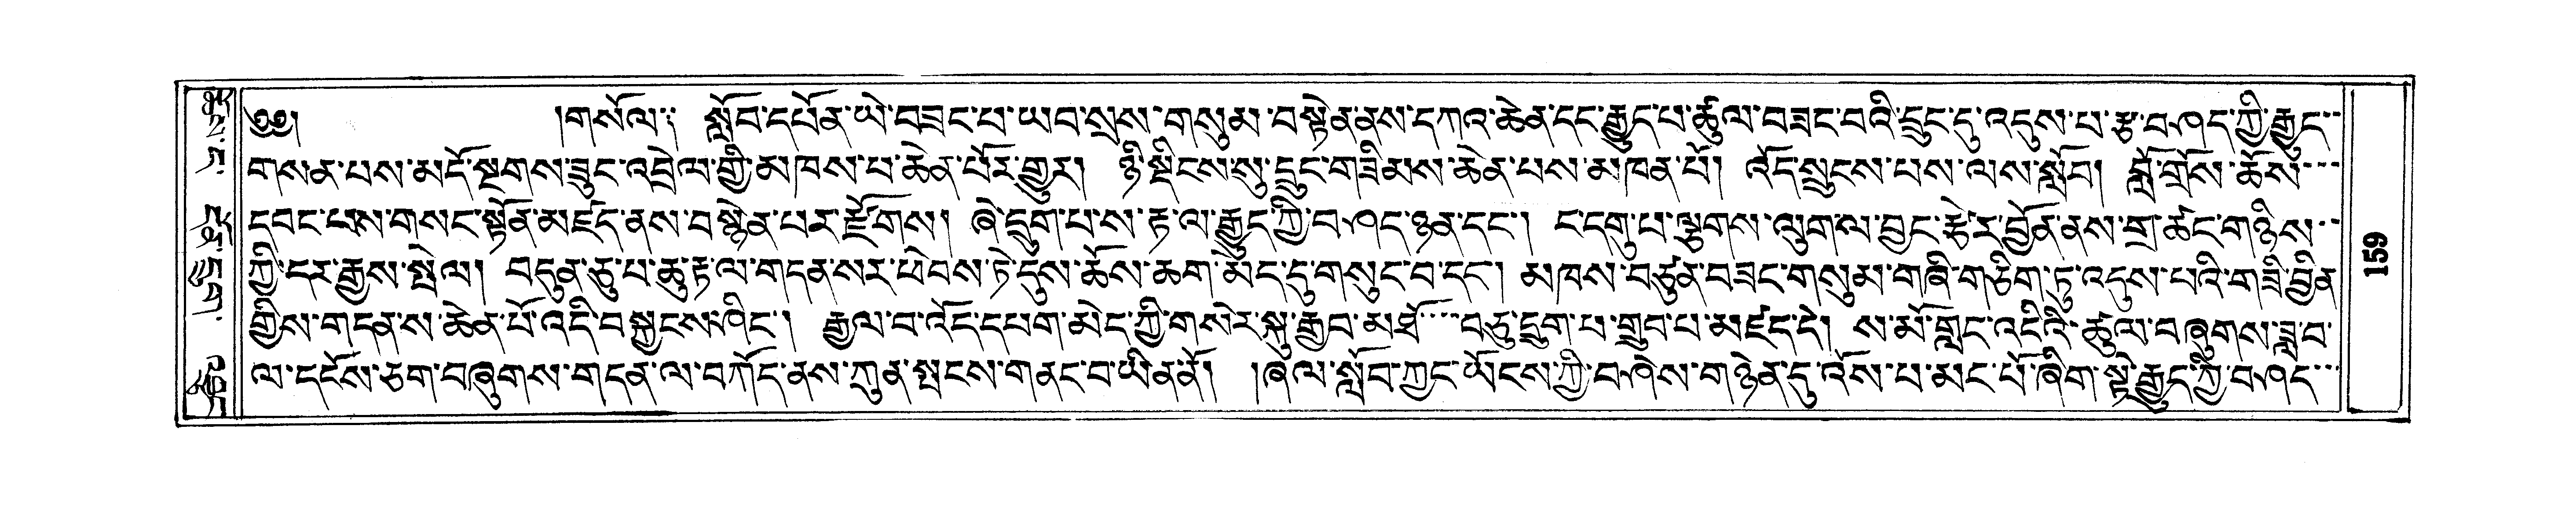༄༅། །གསོལ༑ སློབ་དཔོན་ཡེ་བཟང་པ་ཡབ་སྲས་གསུམ་བསྟེན་ནས་དཀའ་ཆེན་དང་རྒྱུད་པ་ཚུལ་བཟང་བའི་དྲུང་དུ་འདུས་པ་རྩ་བཤད་ཀྱི་རྒྱུད་
གསན་པས་མདོ་སྔགས་ཟུང་འབྲེལ་གྱི་མཁས་པ་ཆེན་པོར་གྱུར། ཉི་སྡིངས་སུ་དྲུང་གཟིམས་ཆེན་པས་མཁན་པོ། འོད་སྲུངས་པས་ལས་སློབ། བློ་གྲོས་ཆོས་
དབང་པས་གསང་སྟོན་མཛད་ནས་བསྙེན་པར་རྫོགས། ཞེ་དྲུག་པ་ས་རྟ་ལ་རྒྱུད་ཀྱི་བཤད་ཉན་དང་། ང་དགུ་པ་ལྕགས་ལུག་ལ་བྱང་རྩེར་བྱོན་ནས་གྲ་ཚང་གཉིས་
ཀྱི་དར་རྒྱས་སྤེལ། བདུན་ཅུ་པ་ཆུ་རྟ་ལ་གདན་སར་ཕེབས་ཏེ་དུས་ཆོས་ཆག་མེད་དུ་གསུང་བ་དང་། མཁས་བཙུན་བཟང་གསུམ་གཞི་གཅིག་ཏུ་འདུས་པའི་གཟི་བྱིན་
གྱིས་གདན་ས་ཆེན་པོ་འདི་བསྐྱངས་ཤིང་། རྒྱལ་བ་འོད་དཔག་མེད་ཀྱི་གསེར་སྐུ་རྒྱབ་མཐོ་བཅུ་དྲུག་པ་གྲུབ་པ་མཛད་དེ། ས་མོ་གླང་འདིའི་ཚུལ་བཞུགས་ཟླ་བ་
ལ་དངོས་ཅག་བཞུགས་གདན་ལ་བཀོད་ནས་ཀུན་སྤངས་གནང་བ་ཡིན་ནོ། །ཞལ་སློབ་ཀྱང་ཡོངས་ཀྱི་བཤེས་གཉེན་དུ་འོས་པ་མང་པོ་ཞིག་སྟེ་རྒྱུད་ཀྱི་བཤད་